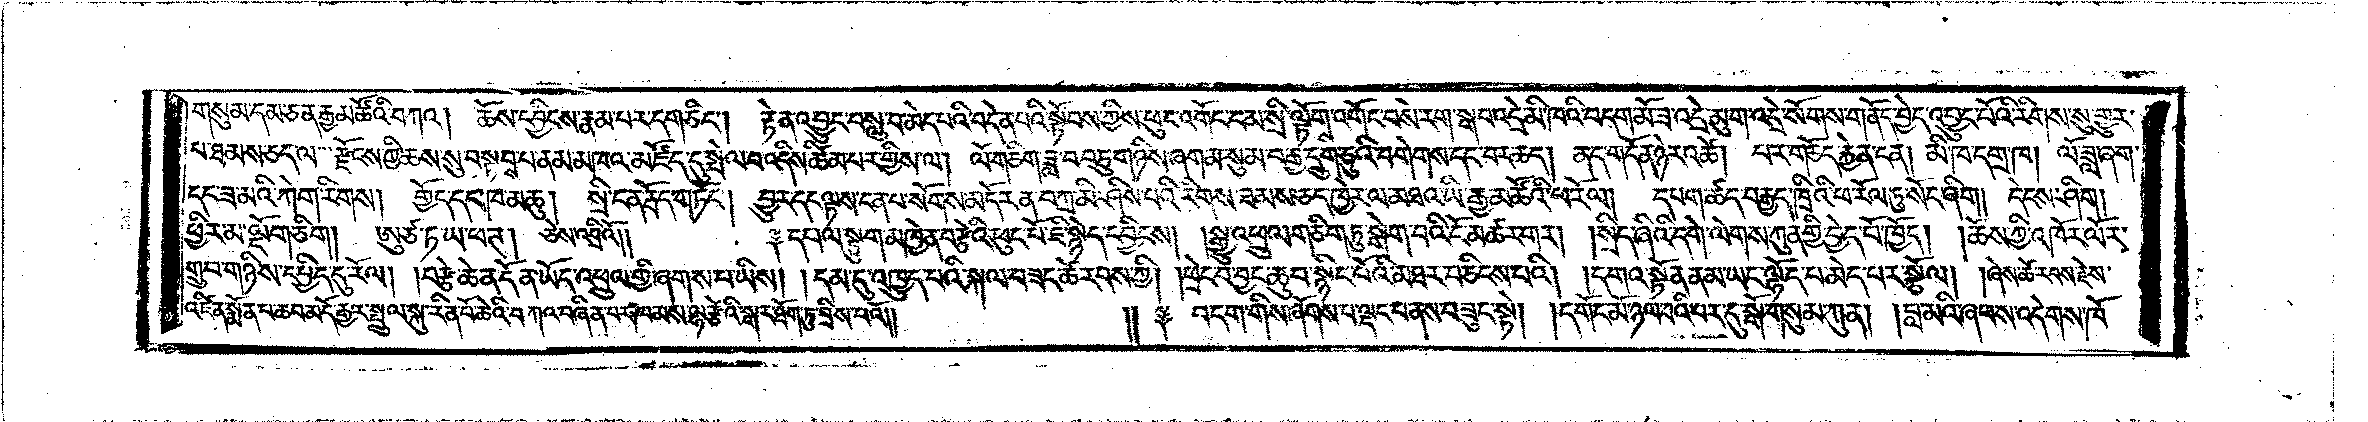གསུམ་དམ་ཅན་རྒྱ་མཚོའི་བཀའ། ཆོས་དབྱིངས་རྣམ་པར་དག་ཅིང་། རྟེན་འབྱུང་བསླུ་བ་མེད་པའི་བདེན་པའི་སྟོབས་ཀྱིས་ཕུང་འགོང་དམ་སྲི་ལྟོགས་འགོང་བསེ་རག་སྒབ་འདྲེ་མི་ཁའི་བདག་མོ་ཟ་འདྲེ་མུག་འདྲེ་སོགས་གནོད་བྱེད་འབྱུང་པོའི་རིགས་སུ་གྱུར་
པ་ཐམས་ཅད་ལ་རྫོངས་ཀྱི་ཆས་སུ་བསྟབས་པ་ནམ་མཁའ་མཛོད་དུ་སྤེལ་བ་འདིས་ཚིམ་པར་གྱིས་ལ། ལོ་གཅིག་ཟླ་བ་བཅུ་གཉིས་ཞག་མ་སུམ་བརྒྱ་དྲུག་ཅུའི་བགེགས་དང་བར་ཆད། ནད་གདོན་ཉེར་འཚེ། པར་གཅོད་རྐྱེན་ངན། མི་ཁ་དགྲ་ཁ། ལོ་ཟླ་ཞག་
དང་ཟ་མའི་ཀེག་རིགས། གྱོད་དང་ཁ་མཆུ། སྲི་ངན་རྦོད་གཏོང་། བྱུར་དང་ལྟས་ངན་པ་སོགས་མདོར་ན་བཀྲ་མི་ཤིས་པའི་རིགས་ཐམས་ཅད་ཁྱེར་ལ་མཐའ་ཡི་རྒྱ་མཚོའི་ཕ་རོལ། དཔག་ཚད་བརྒྱད་ཁྲིའི་ཕ་རོལ་ཏུ་སོང་ཞིག །དེངས་ཤིག །
ཕྱིར་མ་ལྡོག་ཅིག །ཨུཙ་ཏ་ཡ་ཕཊ། ཅེས་འབྲིའོ།།  ༈ དཔལ་སྟུག་མཁྱེན་བརྩེའི་ཕུང་པོ་ཇི་སྙེད་དབྱིངས། །སྒྱུ་འཕྲུལ་གཅིག་ཏུ་སྒེག་པའི་ངོ་མཚར་གར། །སྲིད་ཞིའི་དགེ་ལེགས་ཀུན་གྱི་བྱེད་པོ་ཁྱོད། །ཆོས་ཀྱི་འཁོར་ལོར་
གྲུབ་གཉིས་དཔྱིད་དུ་རོལ། །བརྩེ་ཆེན་དོན་ཡོད་འཕྲུལ་གྱི་ཞགས་པ་ཡིས། །དམ་དུ་འཁྱུད་པའི་སྐལ་བཟང་ཚེ་རབས་ཀྱི། །ཕྲེང་བ་བྱང་ཆུབ་སྙིང་པོའི་མཐར་བཅིངས་པའི། །དགའ་སྟོན་ནམ་ཡང་ལྷོད་པ་མེད་པར་སྩོལ། །ཞེས་ཚེ་རབས་རྗེས་
འཛིན་སྨོན་པ་ཆབ་མདོ་རྒྱར་སྤྲུལ་སྐུ་རིན་པོ་ཆེའི་བཀའ་བཞིན་པར་ཁམས་ལྷ་རྩེའི་སྒར་ཐོག་ཏུ་བྲིས་པའོ།། །། ༈ བདག་གིས་ཞོགས་པ་ལྡང་པ་ནས་བཟུང་སྟེ། །དགོང་མོ་ཉལ་བའི་བར་དུ་སྒོ་གསུམ་ཀུན། །བླ་མའི་ཞབས་འདེགས་ཁོ་